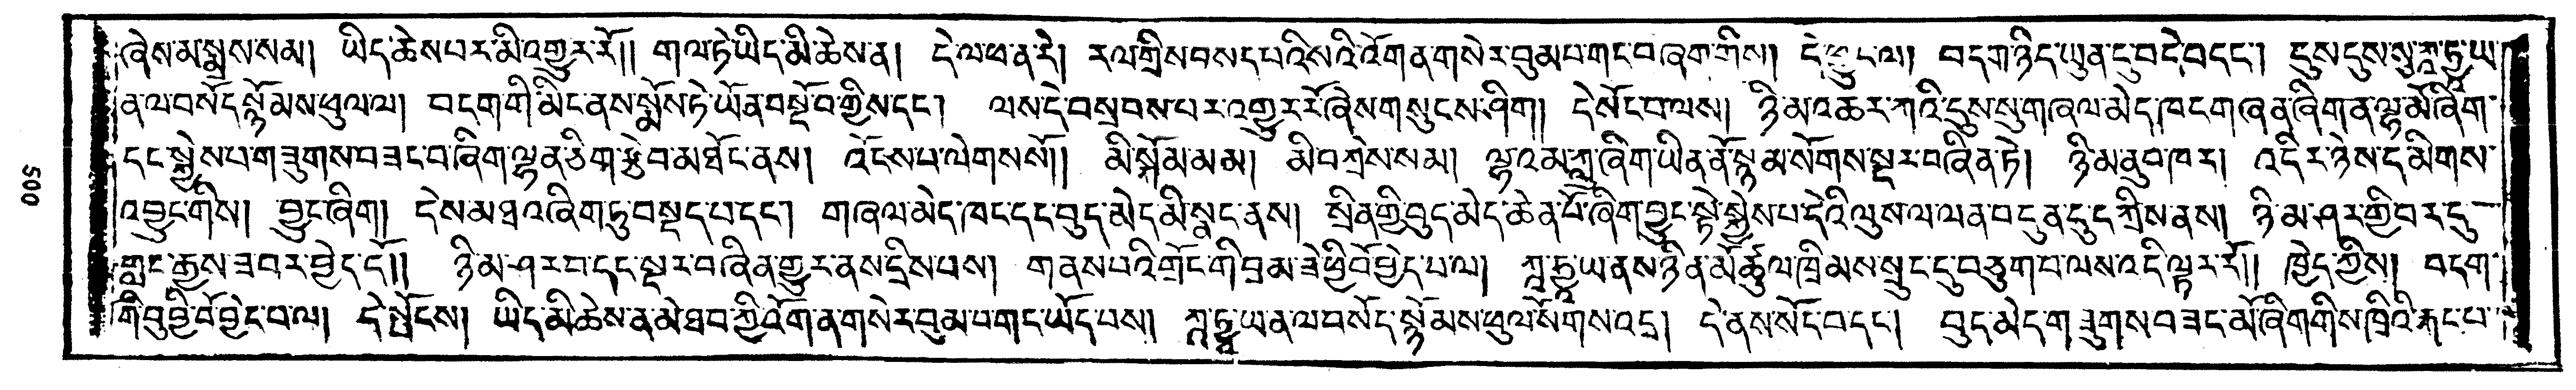ཞེས་མ་སྨྲས་སམ། ཡིད་ཆེས་པར་མི་འགྱུར་རོ།། གལ་ཏེ་ཡིད་མི་ཆེས་ན། དེ་ལ་ཕ་ན་རེ། རལ་གྲིས་བསད་པའི་སའི་འོག་ན་གསེར་བུམ་པ་གང་བཞག་གིས། དེ་ཕྱུང་ལ། བདག་ཉིད་ཡུན་དུ་བདེ་བ་དང་། དུས་དུས་སུ་ཀཱ་ཏྱཱ་ཡ་
ན་ལ་བསོད་སྙོམས་ཕུལ་ལ། བདག་གི་མིང་ནས་སྨོས་ཏེ་ཡོན་བསྔོ་བ་གྱིས་དང་། ལས་དེ་བསྲབས་པར་འགྱུར་རོ་ཞེས་གསུངས་ཤིག། དེ་སོང་བ་ལས། ཉི་མ་འཆར་ཀའི་དུས་སུ་གཞལ་མེད་ཁང་གཞན་ཞིག་ན་ལྷ་མོ་ཞིག་
དང་སྐྱེས་པ་གཟུགས་བཟང་བ་ཞིག་ལྷན་ཅིག་རྩེབ་མཐོང་ནས། འོངས་པ་ལེགས་སོ།། མི་སྐོམ་མམ། མི་བཀྲེས་སམ། ལྷ་འམ་ཀླུ་ཞིག་ཡིན་ནོ་སྙམ་སོགས་སྔར་བཞིན་ཏེ། ཉི་མ་ནུབ་ཁར། འདིར་ཉེས་དམིགས་
འབྱུང་གིས། བྱུང་ཞིག། དེས་མཐའ་ཞིག་ཏུ་བསྡད་པ་དང་། གཞལ་མེད་ཁང་དང་བུད་མེད་མི་སྣང་ནས། སྲིན་གྱི་བུད་མེད་ཆེན་པོ་ཞིག་བྱུང་སྟེ་སྐྱེས་པ་དེའི་ལུས་ལ་ལན་བདུན་དུ་དཀྲིས་ནས། ཉི་མ་ཤར་གྱི་བར་དུ་
གླང་རྒྱས་ཟ་བར་བྱེད་དོ།། ཉི་མ་ཤར་བ་དང་སྔར་བཞིན་གྱུར་ནས་དྲིས་པས། གནས་པའི་གྲོང་གི་བྲམ་ཟེ་ཕྱི་བོ་བྱེད་པ་ལ། ཀཱ་ཏྱཱ་ཡ་ནས་ཉིན་མོ་ཚུལ་ཁྲིམས་སྲུང་དུ་བཅུག་པ་ལས་འདི་ལྟར་རོ།། ཁྱེད་ཀྱིས། བདག་
གི་བུ་བྱི་བོ་བྱེད་པ་ལ། དེ་སྤོངས། ཡིད་མི་ཆེས་ན་མེ་ཐབ་ཀྱི་འོག་ན་གསེར་བུམ་པ་གང་ཡོད་པས། ཀཱ་ཏྱཱ་ཡ་ན་ལ་བསོད་སྙོམས་ཕུལ་སོགས་འདྲ། དེ་ནས་སོང་བ་དང་། བུད་མེད་གཟུགས་བཟང་མོ་ཞིག་གིས་ཁྲིའི་རྐང་པ་